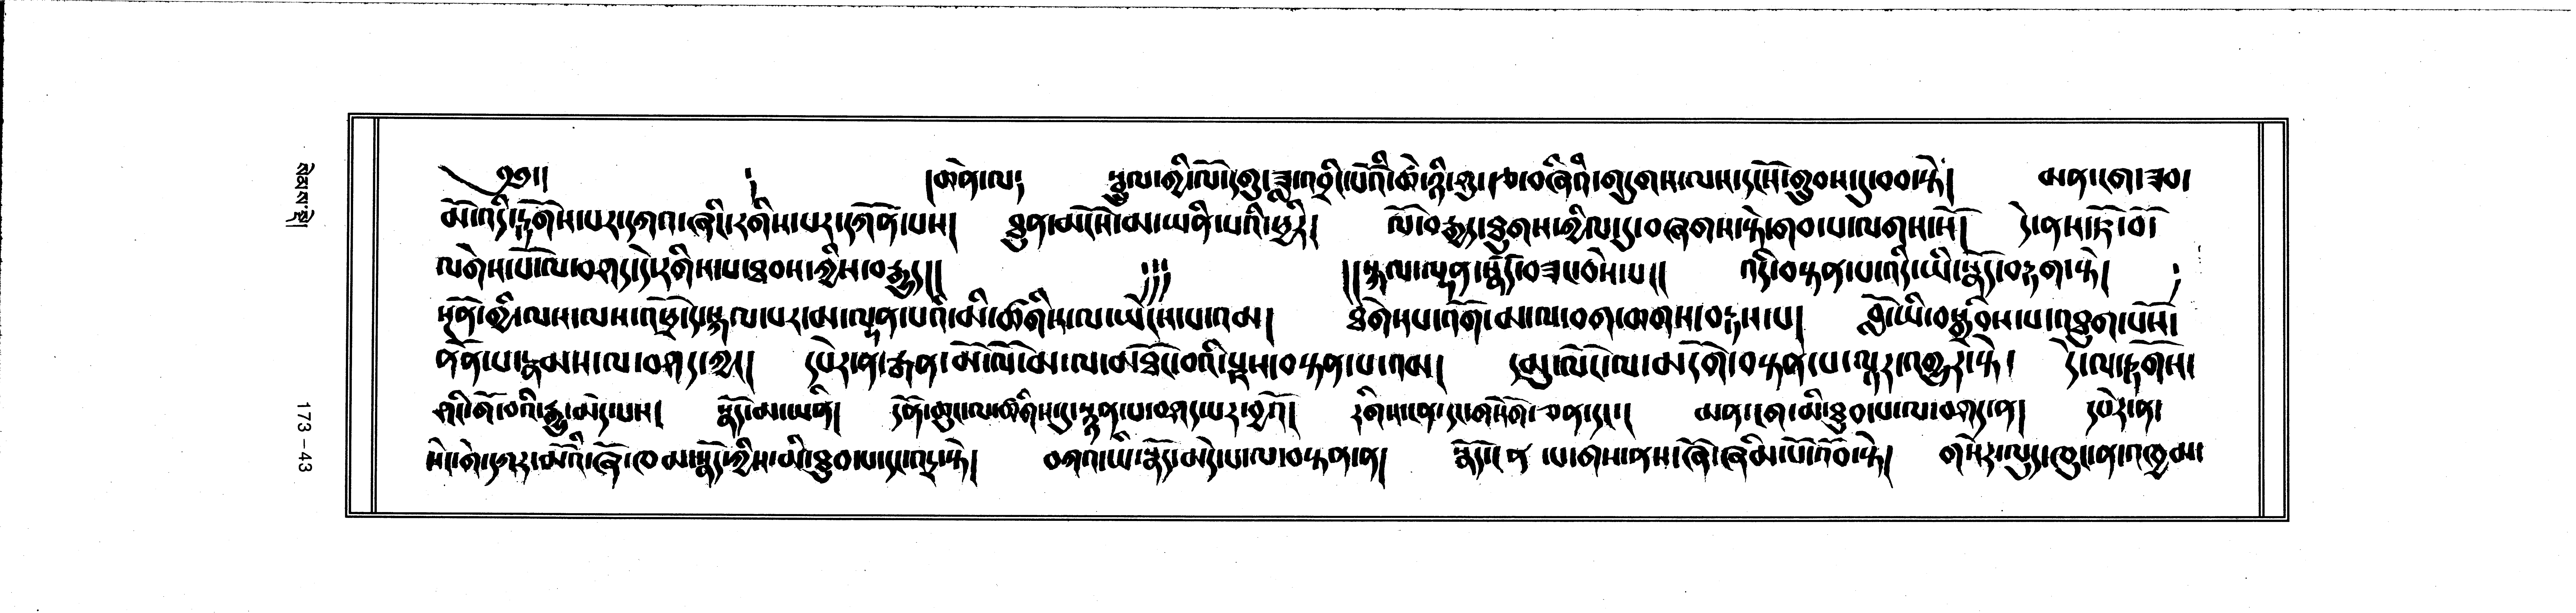ཆེན་ལ། སྦྲུལ་གྱི་ལོ་དགུ་ཟླ་འབྲིང་པོའི་ཚེས་ཉི་ཤུ་རྩ་བཞིའི་གདུགས་ལས་དངོས་གྲུབ་ཏུ་བབས་ཏེ། མན་ངག་ཟབ་
མོ་འདི་རྟོགས་པར་དཀའ་ཞིང་རིག་པར་དཀོན་པས། ཐུན་མོང་མ་ཡིན་པའི་ཕྱིར། ལོ་བརྒྱད་ཐུགས་དཀྱིལ་དུ་བཞག་སྟེ་གབ་པ་ལགས་སོ། །དེ་ནས་ཇོ་བོ་
ལེགས་པ་ལ་བཤད་དེ་རིགས་པ་ཐབས་ཀྱིས་བརྒྱུད།། །།སྐལ་ལྡན་སྣོད་བཟང་བེས་ལ། འདི་བསྟན་པ་འདི་ཡི་སྣོད་བརྟགས་ཏེ། 
སྔོན་གྱི་ལས་འཕྲོ་དེ་སྐལ་པར་མ་ལྡན་པའི་མི་ཚིག་ལ་ཡེངས་པའམ། ཐེག་པ་འོག་མ་ལ་བག་ཆགས་བརྟས་པ། བློ་ཡི་སྒྲིབ་པ་མཐུག་པོས་
ནོན་པ་རྣམས་ལ་བཤད་ཀྱང་། དཔེར་ན་རྒན་མོ་ལོང་མ་ལ་མཐོང་བའི་རྫས་བསྟན་པའམ། དམུས་ལོང་ལ་མདོག་བསྟན་པ་ལྟར་གྱུར་ཏེ། དེ་ལ་རྟོགས་
ཤིང་གོ་བའི་རྒྱུ་མེད་པས། སྣོད་མ་ཡིན། དོན་ཆུང་ལ་ཚིགས་སུ་སྙན་པ་བཤད་པར་བྱའོ། །རིགས་ངན་དང་གསོག་ཅན་དང་། མན་ངག་མི་ཐུབ་པ་ལ་བཤད་ན། དཔེར་ན་
སེང་གེ་དཀར་མོའི་ཞོ་ཁམ་སྣོད་ཀྱིས་མི་ཐུབ་པ་དང་འདྲ་སྟེ། བཀའ་ཡི་སྣོད་མེད་པ་ལ་བསྟན་ན། སྣོད་ངན་པ་གས་ནས་ཞོ་ཞིམ་པོ་འབོ་སྟེ། གསེར་ལུད་ཁུང་ནས་འཁྱམ་